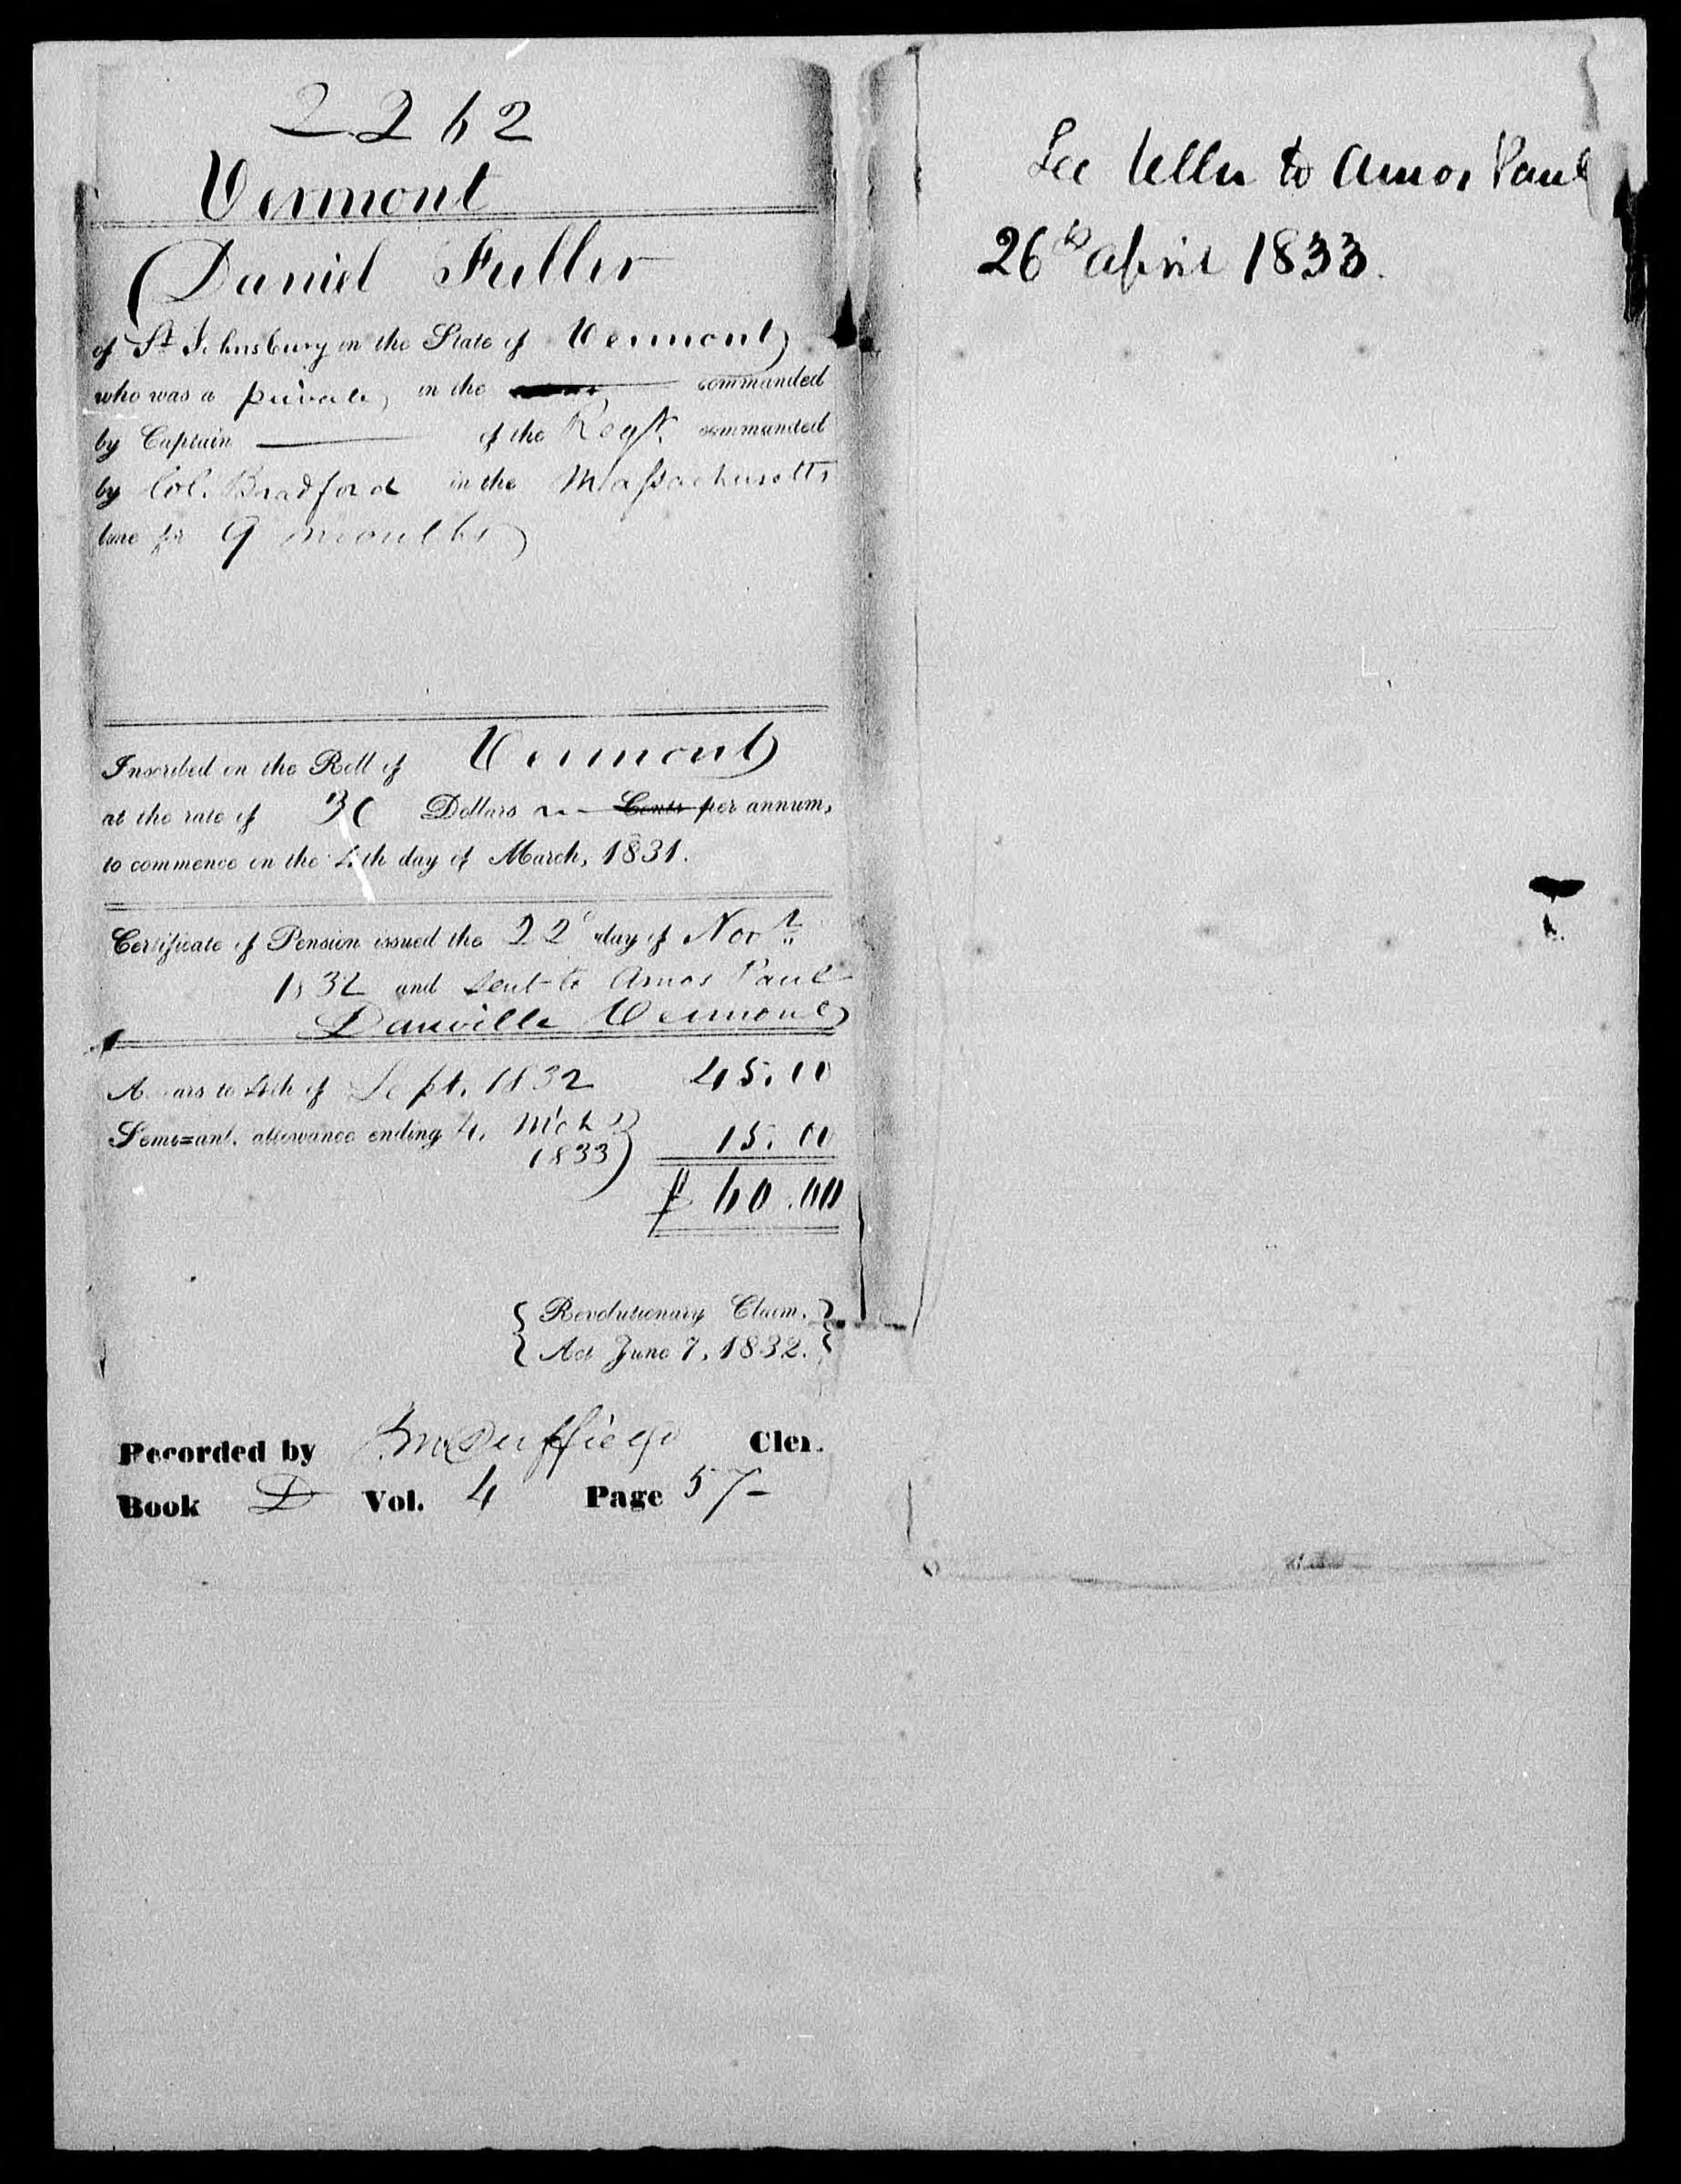2262
Vermont
Daniel Fuller
of St. Johnsbury in the State of Vermont
who was a private, in the --- commanded by Captain --- of the Regt. commanded by Col. Bradford in the Massachusetts line for 9 months

Inscribed on the Roll of Vermont at the rate of 30 Dollars [illegible] Cents [crossed out] per annum, to commence on the fifth day of March 1831.

Certificate of Pension issued the 22 day of March 1832 and sent to Amos Paul
Danielle [illegible]

Arrears to [fifth?] of Sept. 1832 45.00
Semi-anl. allowance ending 4, March 1833 15.00

$60.00

Revolutionary Claim Act June 7, 1832

Recorded by JM Cuffield Clerk
Book D
Vol. 4
Page 57-

[Next page]
Per letter to Amos Paul
26th April 1833.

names: Amos Paul, Daniel Fuller, J M Cuffield, Bradford, Amos Paul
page: 2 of 29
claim: survivor's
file: S. 18830, Daniel Fuller, Mass.